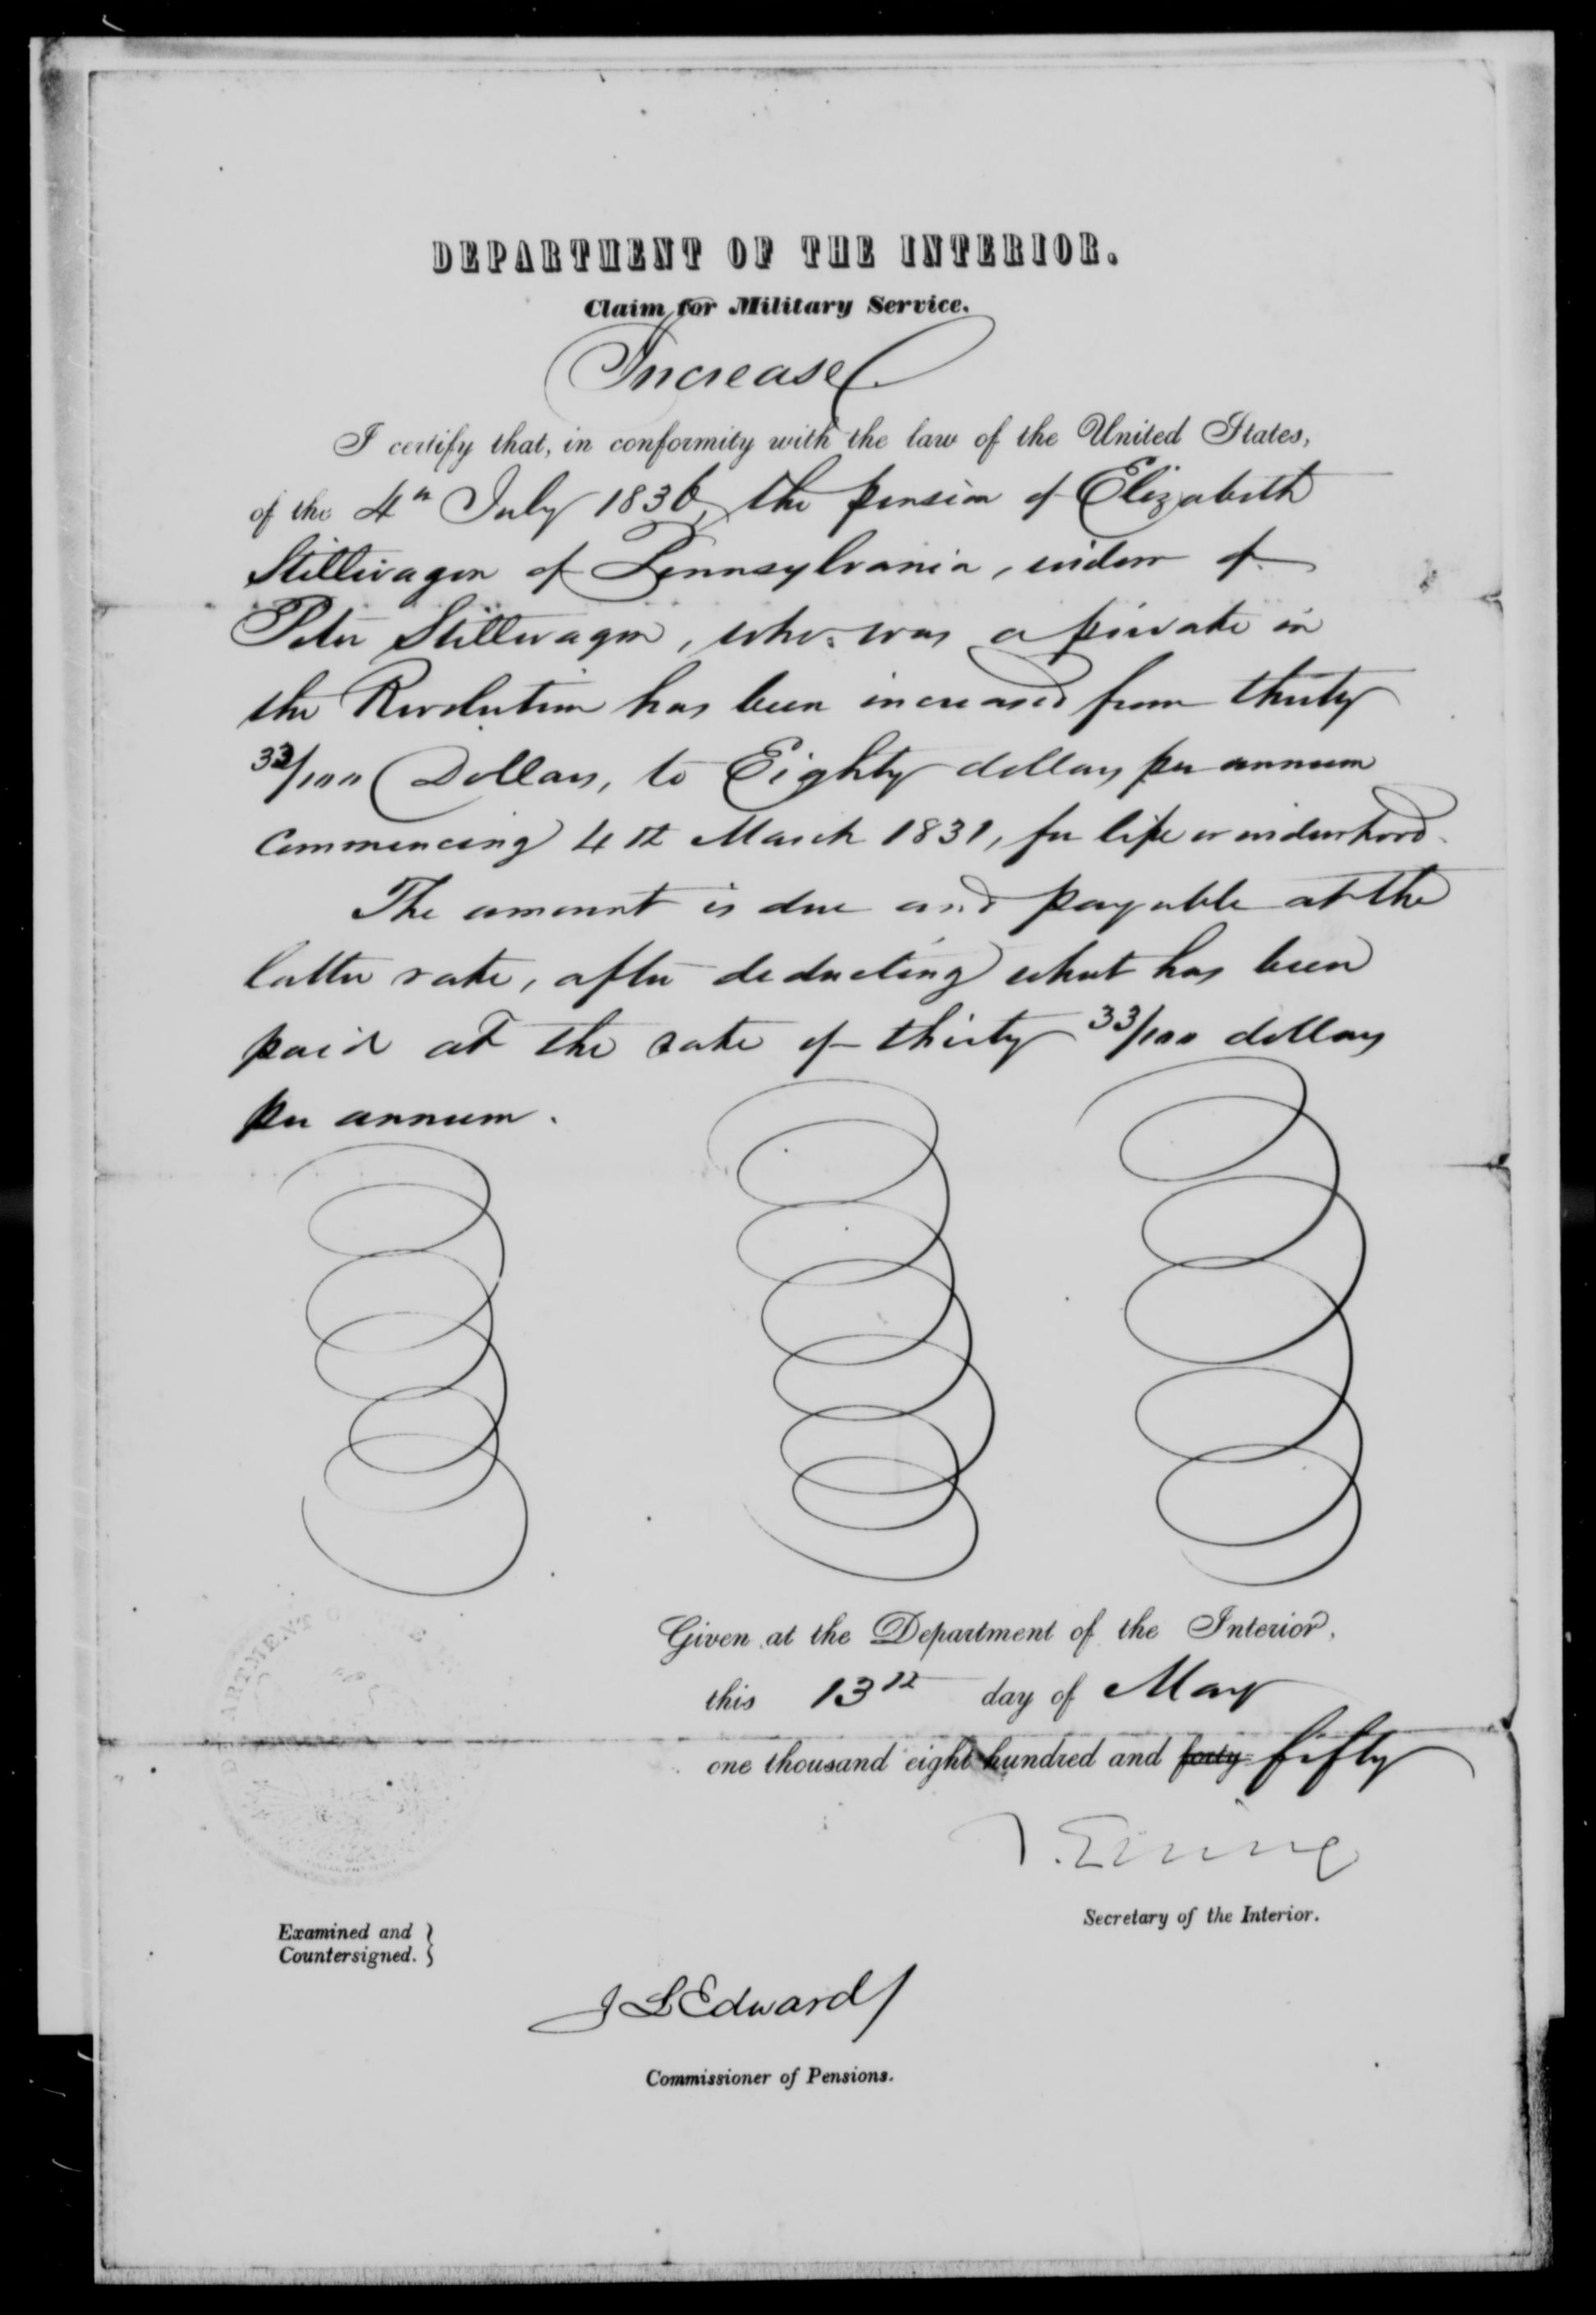Department of the Interior
Claim for Military Service
Increase
I certify that, in conformity with the law of the United States of the 4th July 1836 the pension of Elizabeth Stillwagon of Pennsylvania, widow of Peter Stillwagon, who was a private in teh Revolution has been increased from thirty 33/100, Dollars to Eighty dollars per annum commencing the 4th March 1831, for life or widowhood.  The amount is due and payable at the latter rate after deducting what has been paid at the rate of thirty 33/100 dollars per annum.
[ink flourishes across page, seal at left below]
Given at the Department of the Interior this 13th day of May one thousand eight hundred and [forty struck through] fifty
[Signature uncear]
Secretary of the Interior.
Examined and Countersigned JL Edwards
Commissioner of Pensions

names: Elizabeth Stillwagon; Peter Stillwagon; [ILLEGIBLE] Ewing; J L Edwards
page: 73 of 73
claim: widow's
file: W. 3197, for Peter Stillwagon, New Jersey